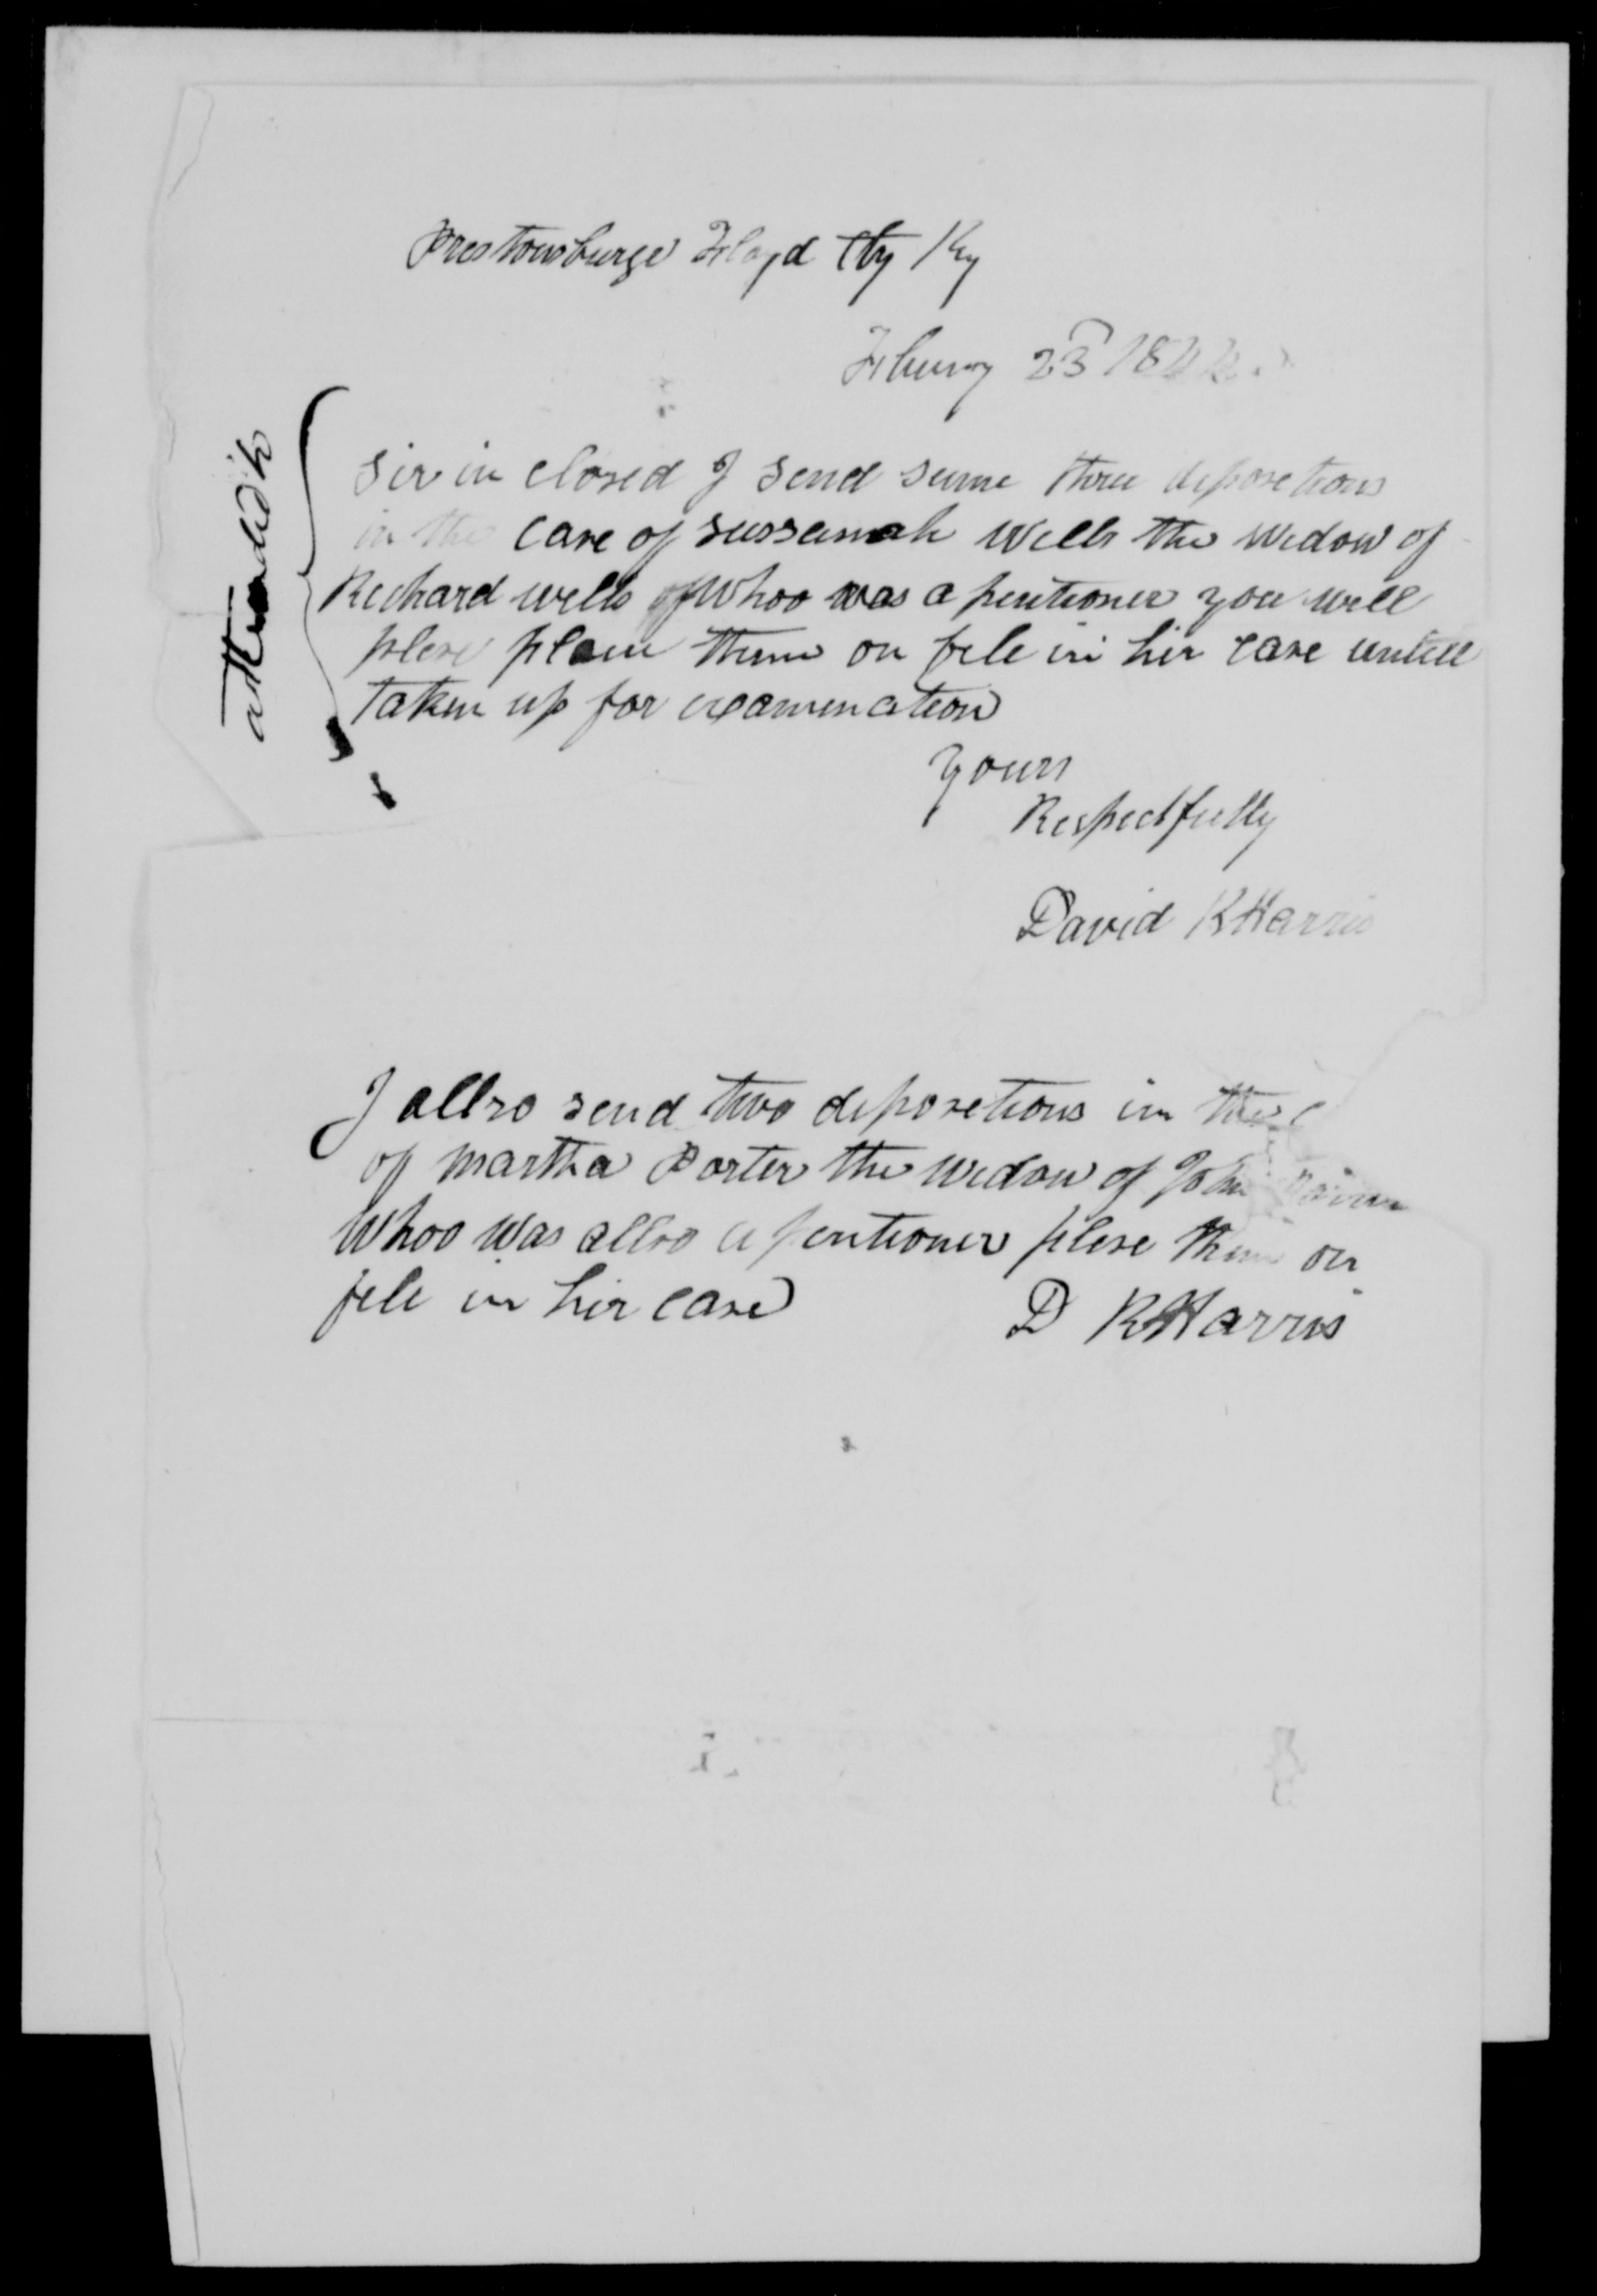Prestonsburg Floyd Cty Ky
Febry 23 1822.
Sir inclosed I send some three depositions
in the case of Susanah Wells the widow of
Richard Wells of who was a pentioner. you will
plese place them on file in her case untill
taken up for examination.
Yours
Respectfully
David K Harris

[left margin-”attached”?]

I allso send two depositions in there
of Martha Porter the widow of John Porter
who was also a pentioner. Plese them on
file in her case.
D K Harris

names: Richard Wells, John Porter, Sussanah Wells, Martha Porter, David K Harris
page: 58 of 100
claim: widow's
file: W. 6437, Richard Wells, Ga Va.